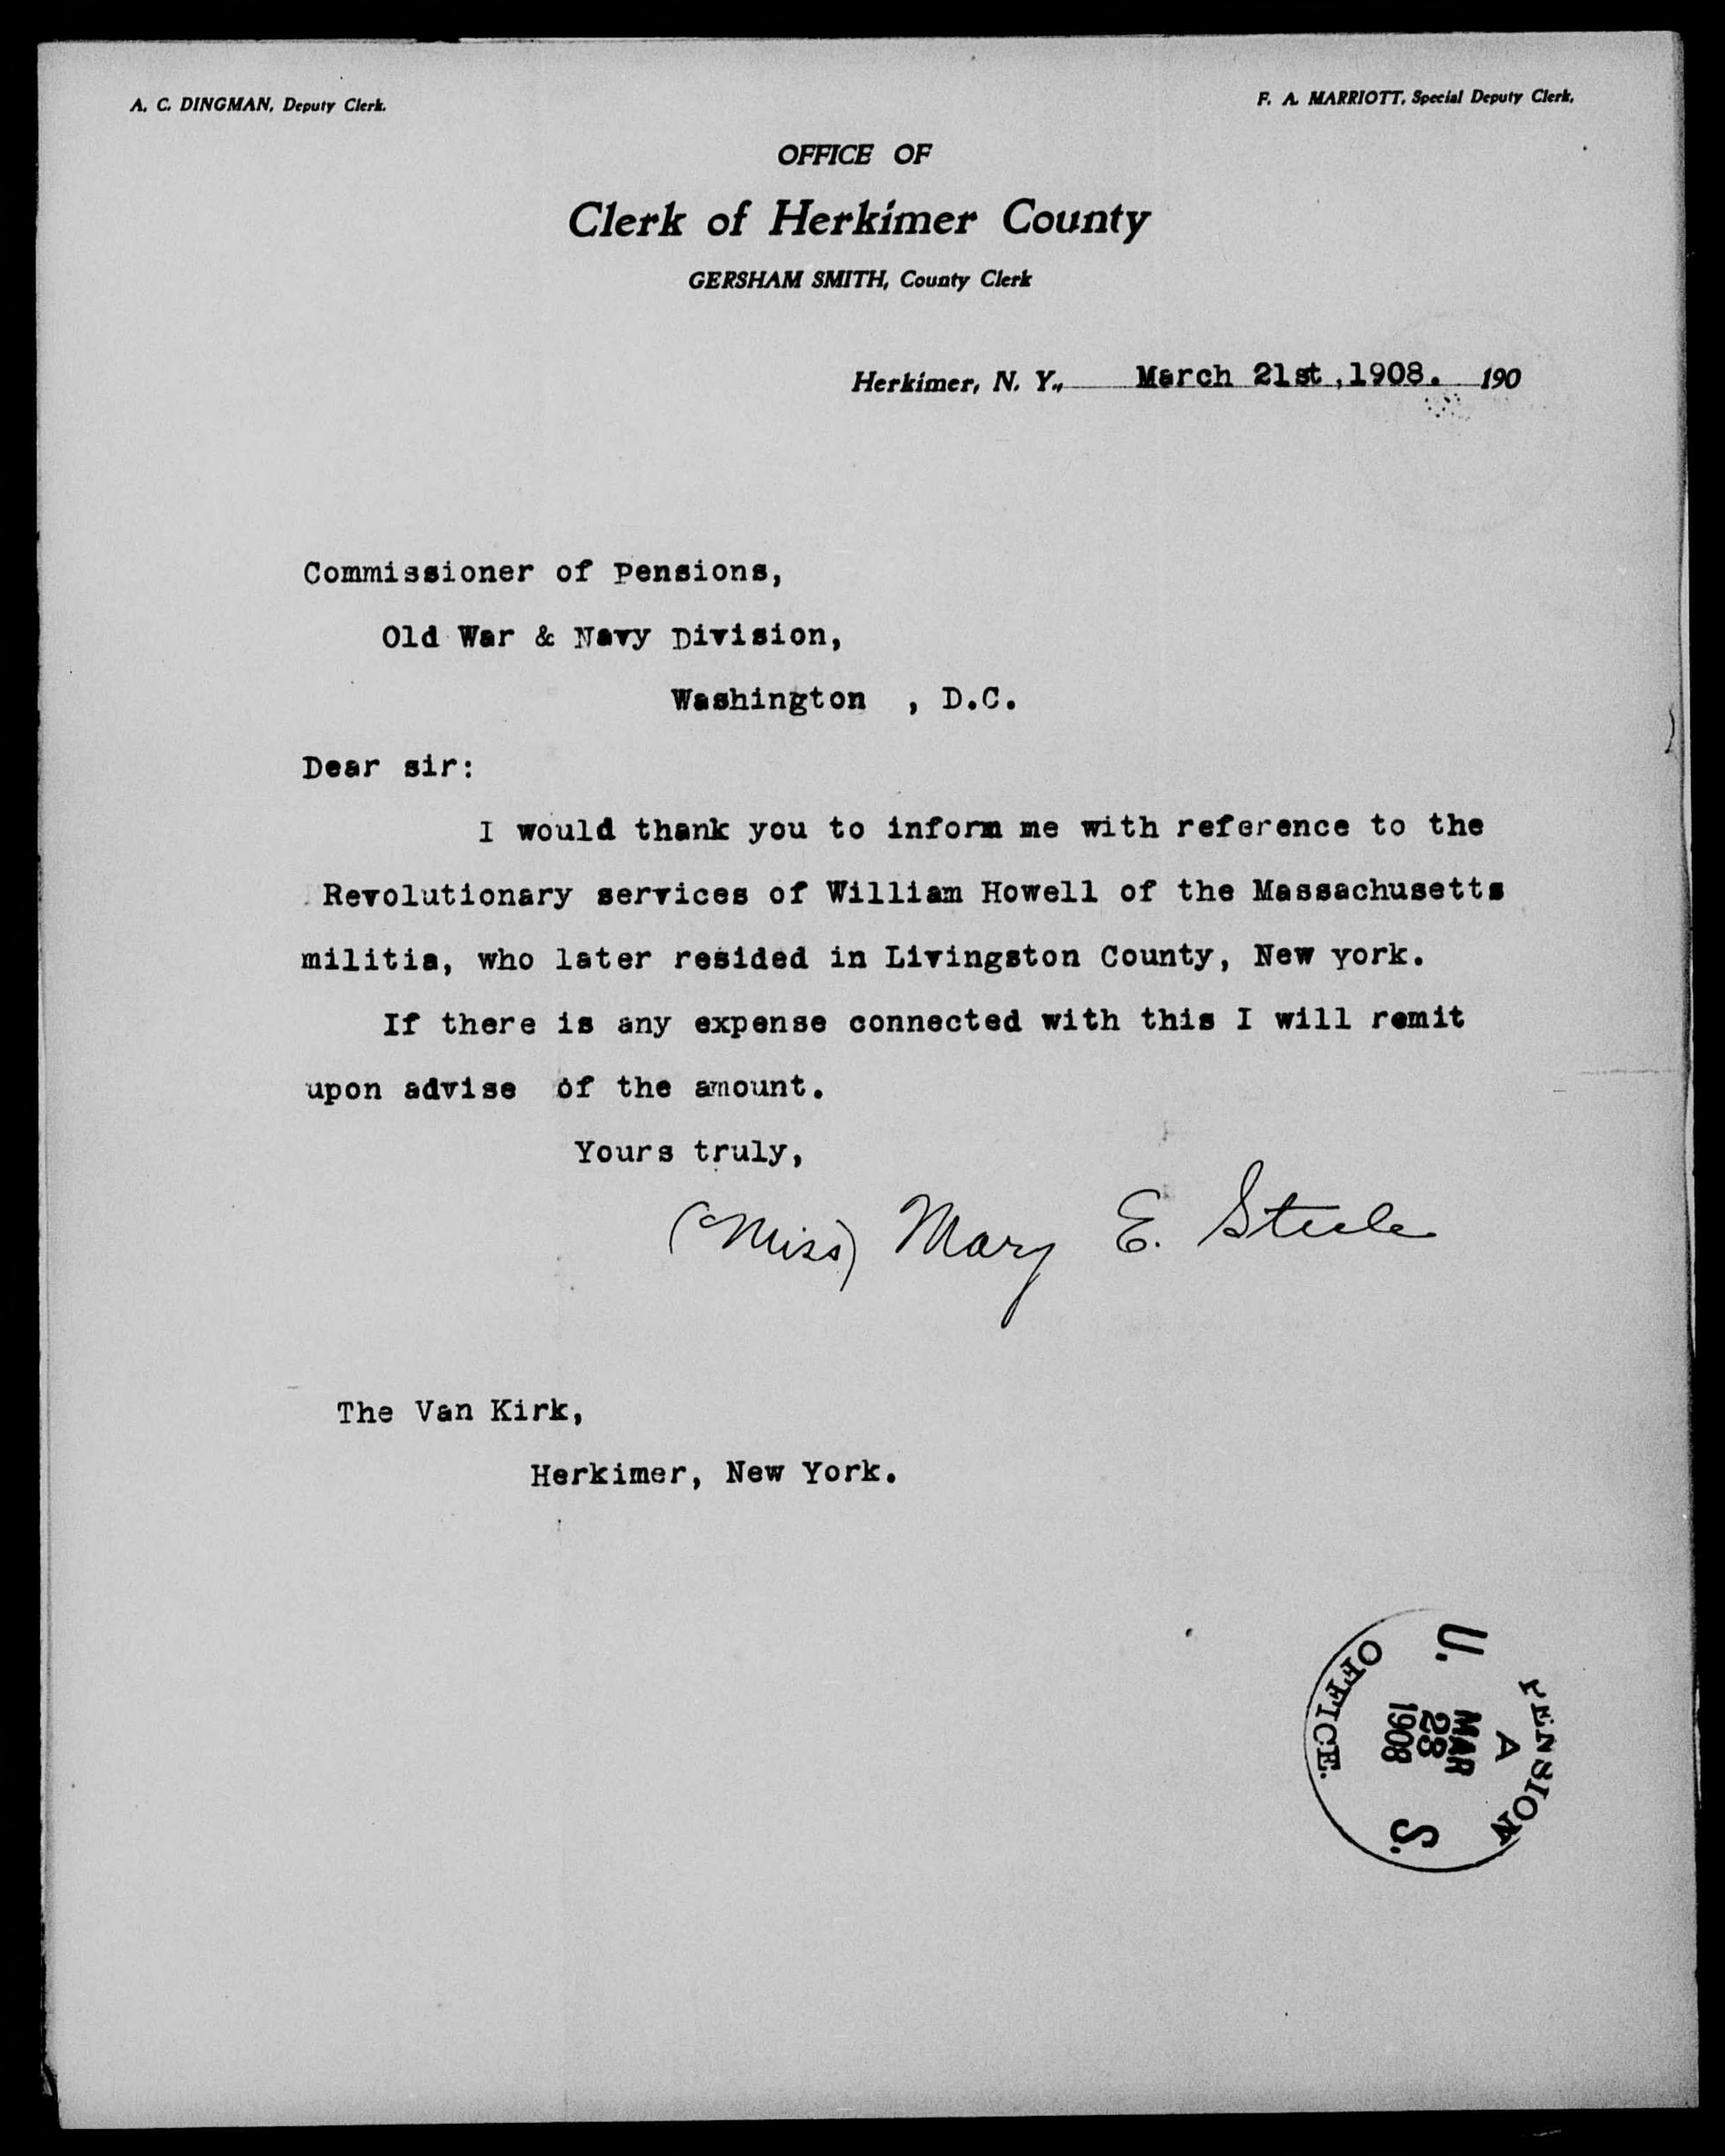Office of 
Clerk of Herkimer County
Gersham Smith, County Clerk

Herkimer, NY  March 21st, 1908

Commission of Pensions, 
Old War & Navy Division,
Washingto, D.C..

Dear Sir: 

I would thank you to inform me with reference to the Revolutionay services of William Howell of the Massachusetts miitia, who later resided in Livingtston County, New York. 

If there is an expense connected with this I will remit upon advise of the amount. 

Your truly, 

Signature of (Miss) Mary E. Steele

The Van Kirk, 
Herkimer, New York 

Seal of U.S. Pension Office can be seen.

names: Gersham Smith, William Howell, F A Marriott, A C Dingman, Mary E Steele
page: 17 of 18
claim: survivor's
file: S. 18,039, William Howell, Conn. Sea Service Mass. And Mass. Sea Service Privateer